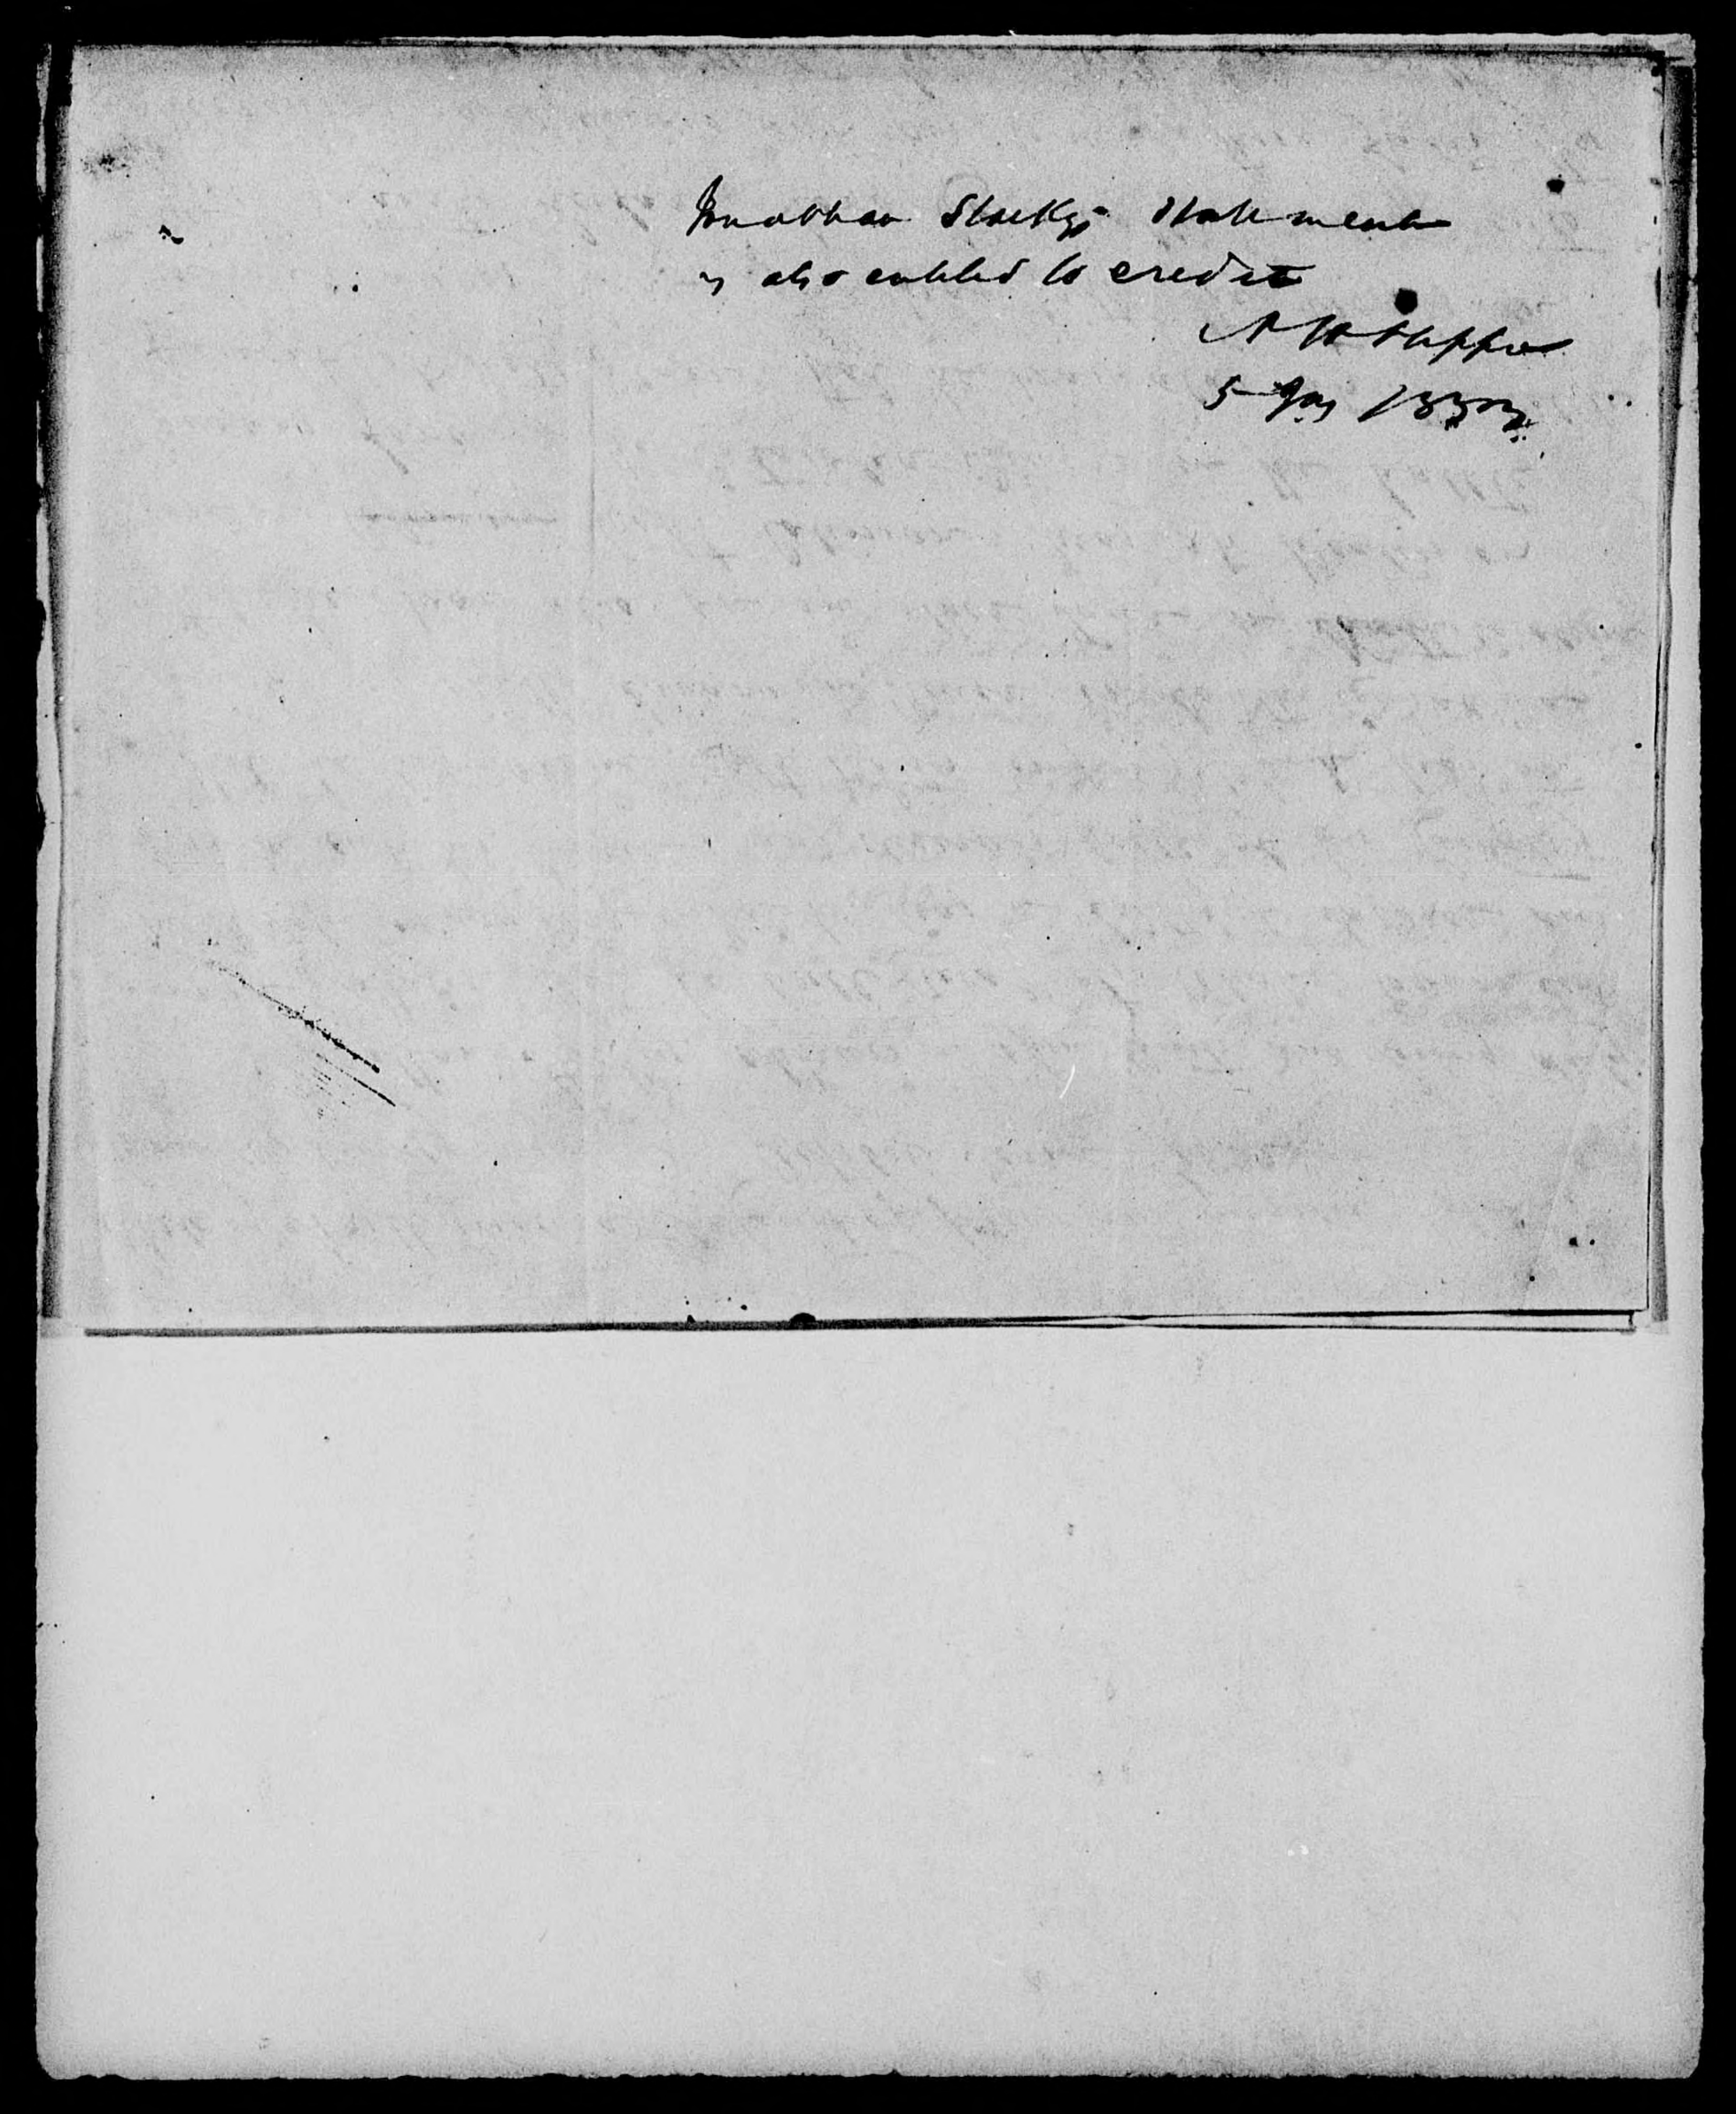Jonathan Starkey statement also called to credit
A H Steppe
5 Jany 1833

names: Jonathan Starky, A H Steppee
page: 28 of 29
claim: survivor's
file: S. 6830, Elisha Evans, N.C.